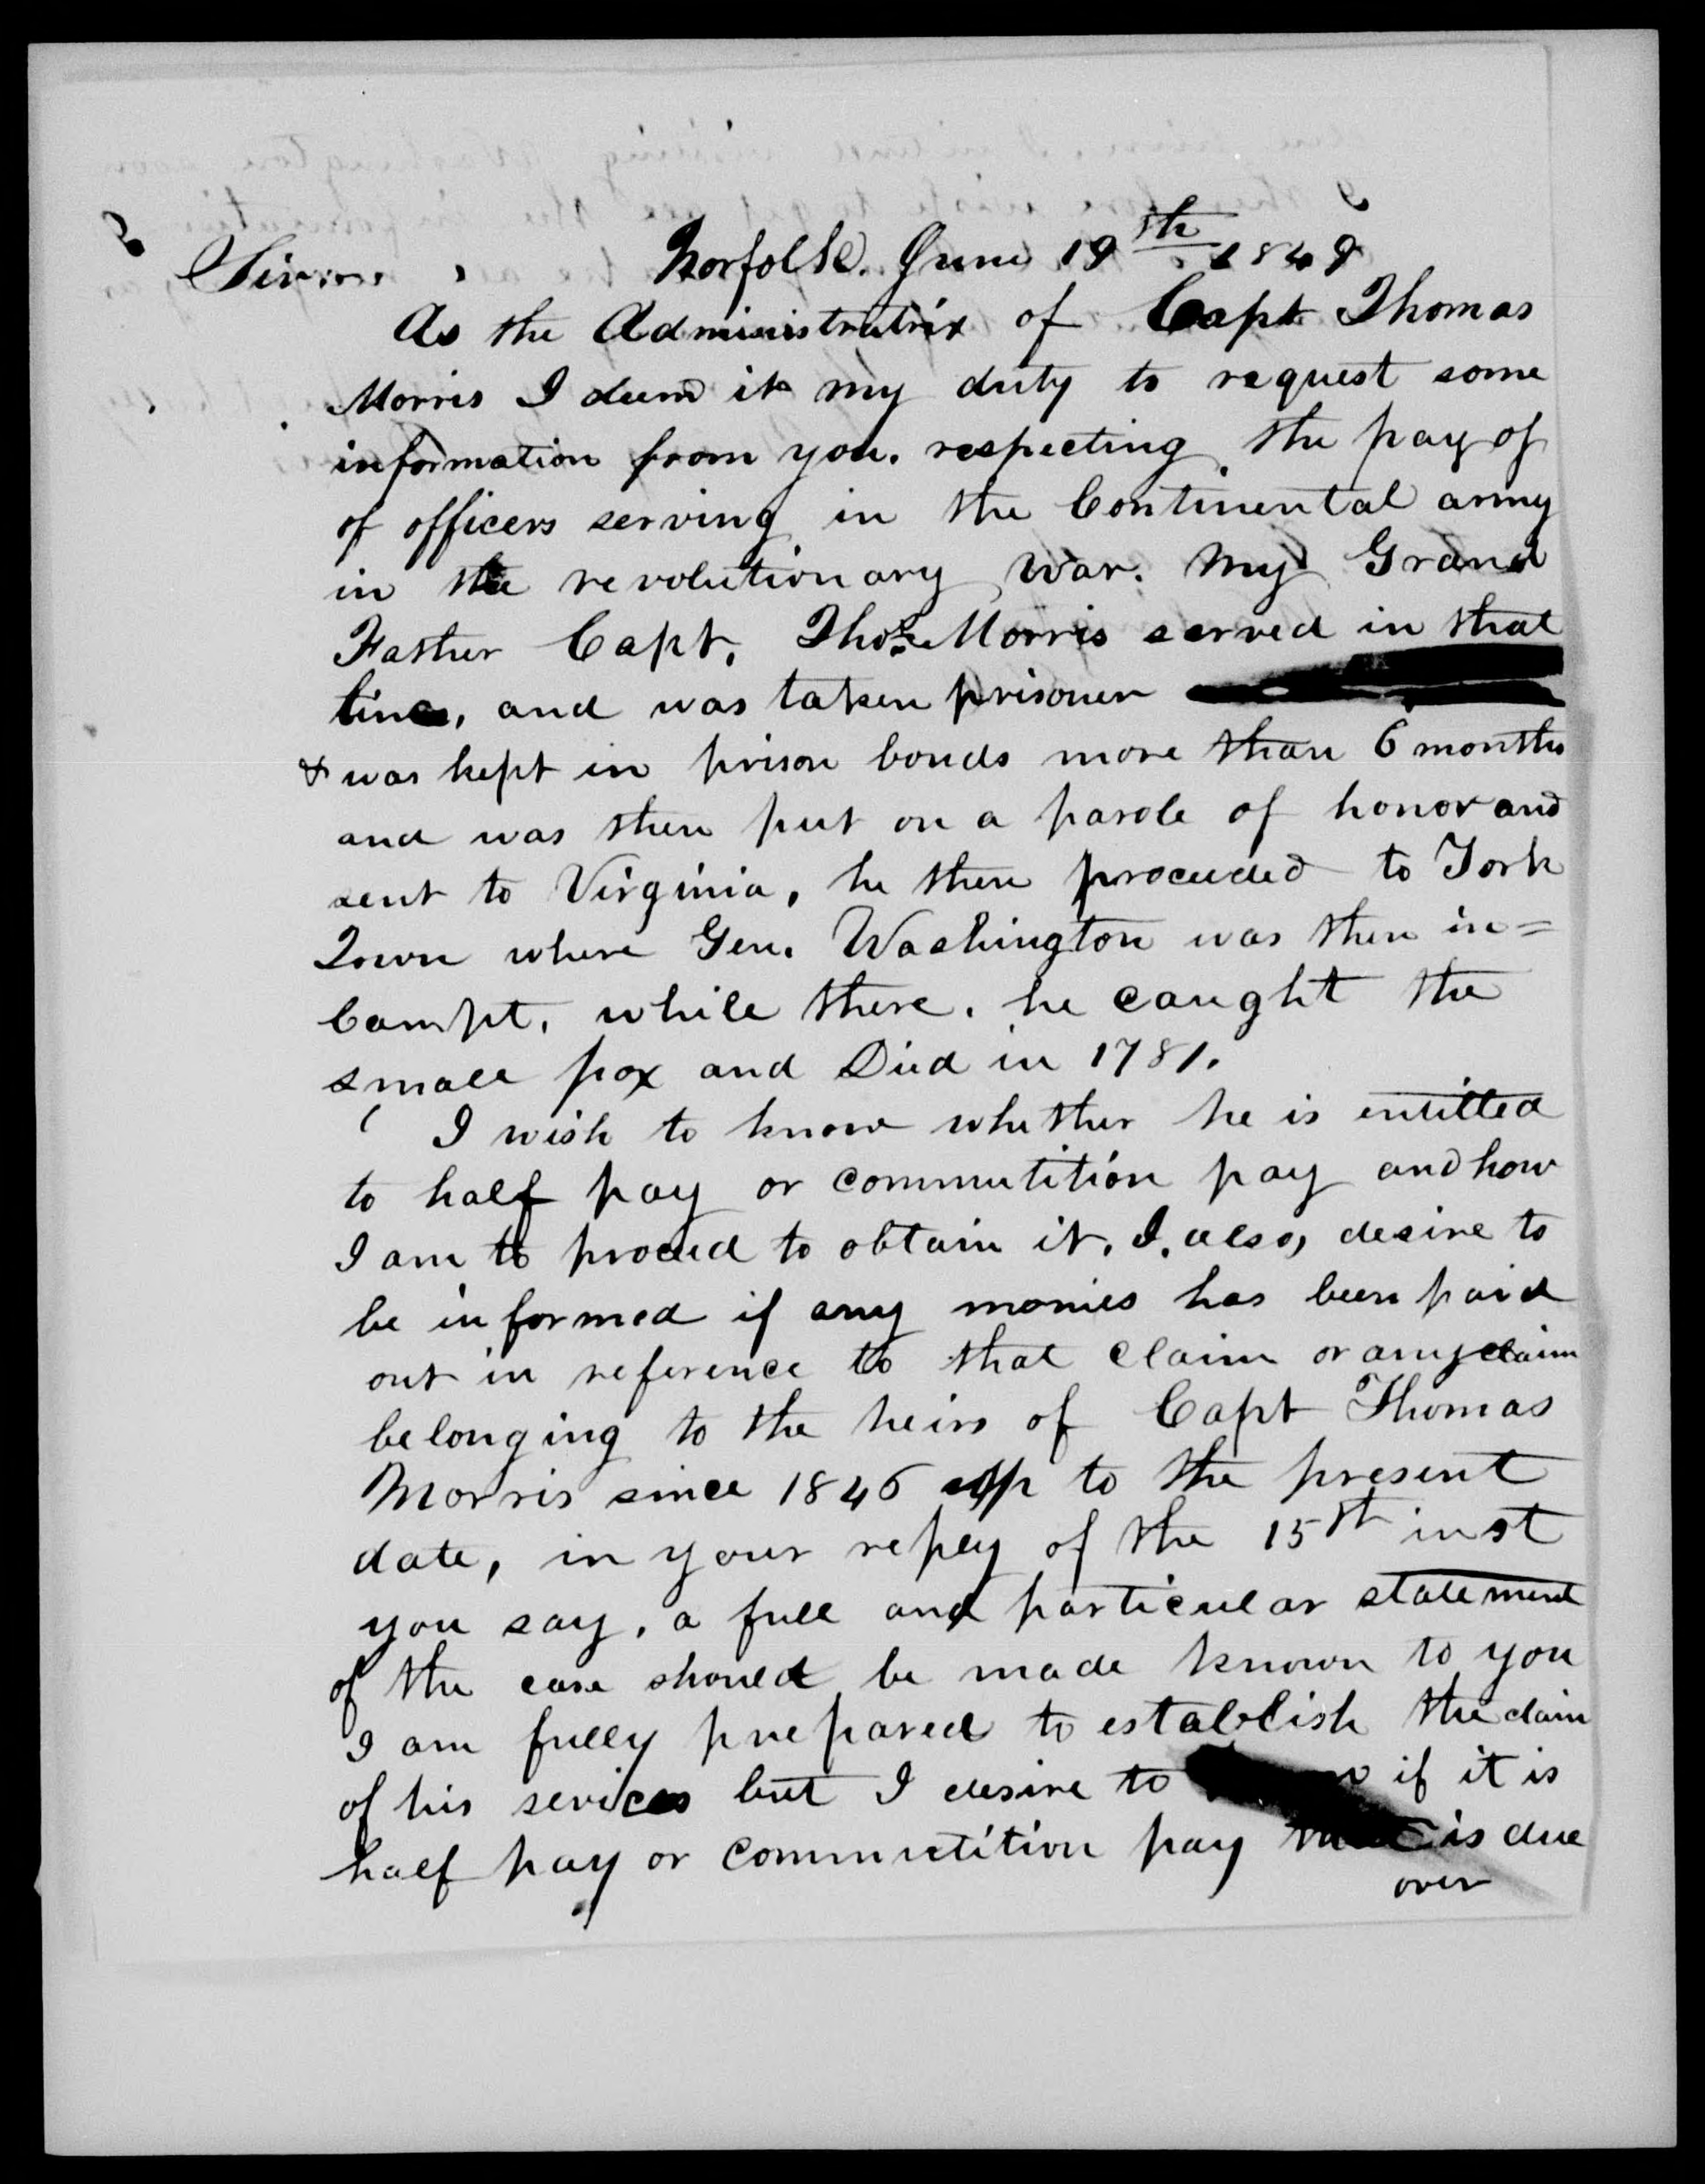Sir,  Norfolk June 19th 1849
As the Administrator of Capt. Thomas
Morris I deem it my duty to request some
information from you respecting the pay of
of officers serving in the Continental army
in the revolutionary war. My Grand Father Capt. Thomas Morris served in that time, and was taken prisoner & was kept in prison bonds more than 6 months and was then put on a parole of honor and sent to Virginia, he then proceeded to York Town where Gen. Washington was then encamped, while there, he caught the  small pox and died in 1781. I wish to know whether he is entitled to half pay or commutation pay and how I am to proceed to obtain it. I also desire to be informed if any monies has been paid out in reference to that claim or any claim belonging to the heirs of Capt Thomas Morris since 1845 up to the present date, in your reply of the 15th inst you say, a full and particular statement of the case should be made known to you I am fully prepared to establish the claim of his service but I desire to know if it is half pay or commutation pay that is due over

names: Thomas Morris; [BLANK] Washington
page: 3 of 30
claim: rejected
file: R. 16,555, for Thomas Morris, Georgia